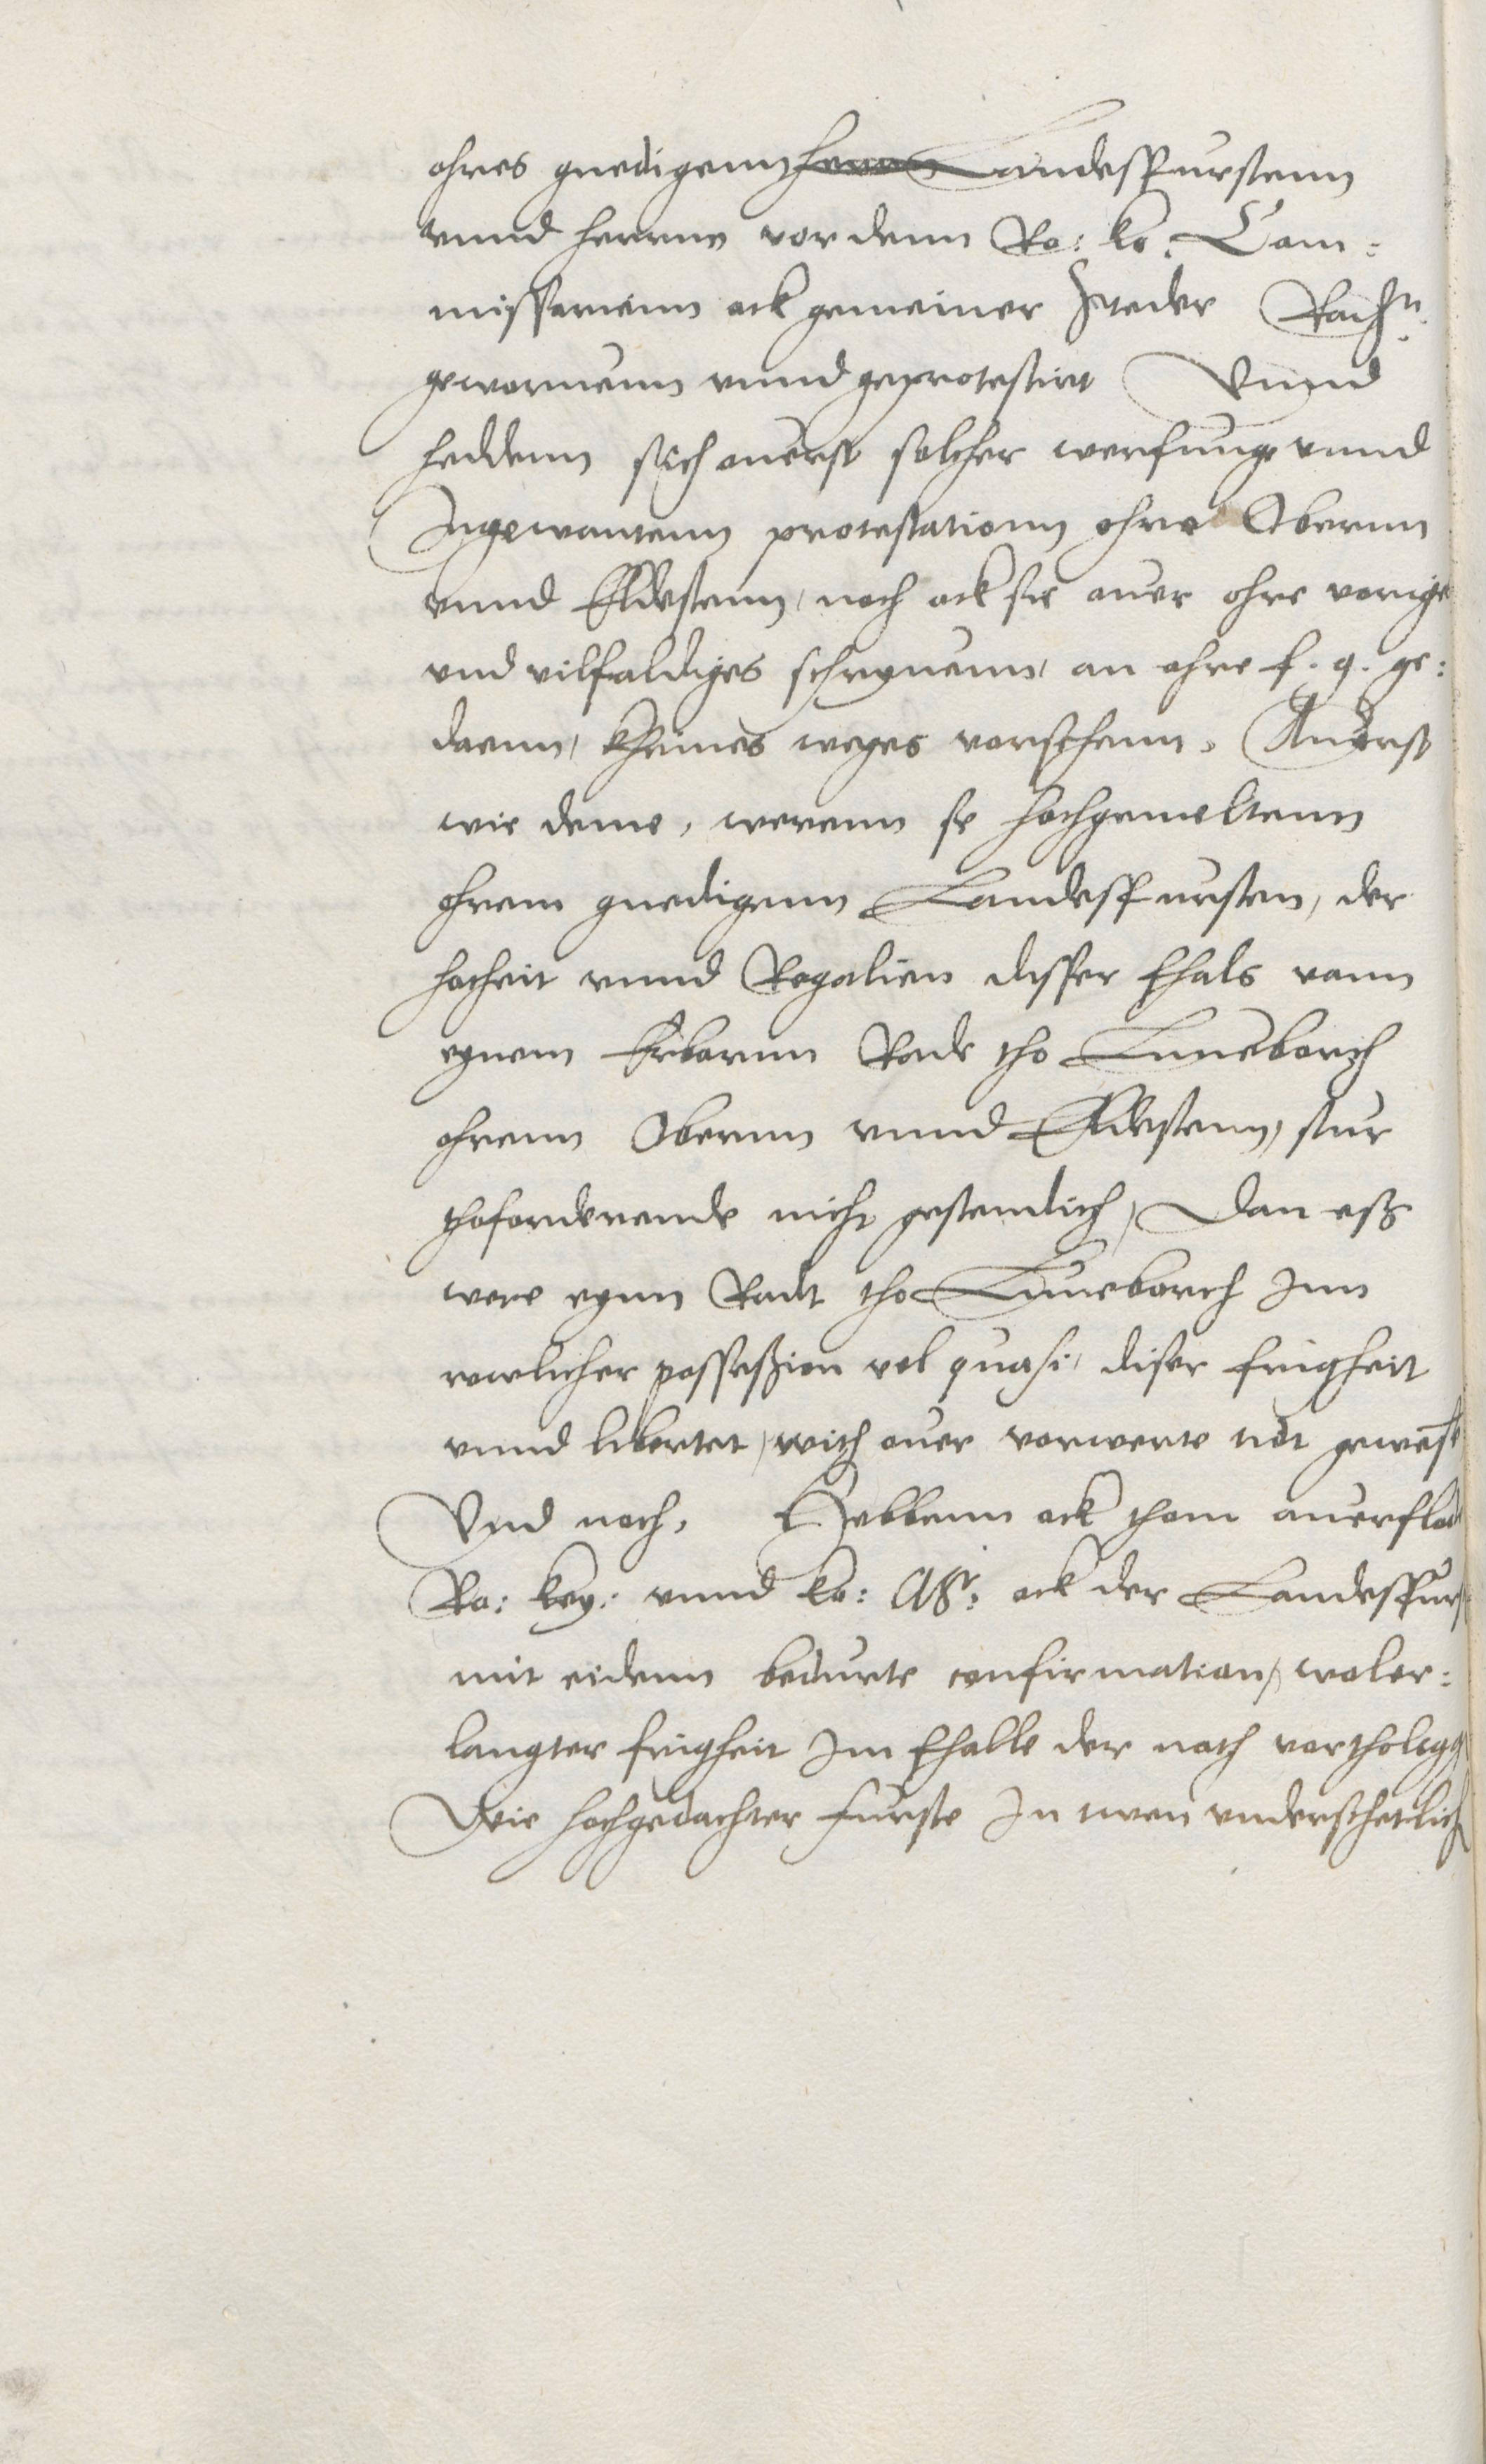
ohres gnedigenn herrn Landesfurstenn
vnnd herrnn vor denn Ro: Ko: Com¬
missarienn ock gemeiner Steder Radessendeboden
geworuenn vnnd geprotestirt Vnnd
heddenn sich ouerst solcher werfunge vnnd
Jngewantenn protestationn ohre Obernn
vnnd Eldestenn, noch ock sie ouer ohre vorige
vnd vilfaldiges schryuenn, an ohre f. g. ge¬
daenn, kheines weges vorsehenn. Auerst
wie deme, werenn se hochgemeltenn
ohrem gnedigenn Landesfursten, der
hocheit vnnd Regalien disser fhals vann
eynem Erbarnn Rade tho Luneborch
ohrenn Obernn vnnd Eldestenn, stur
thoforderende nicht gestendich, Dan eß
were eynn Radt tho Luneborch jnn
rowlicher posseßion vel quasi, diser frigheit
vnnd libertet, with ouer vorwerte tidt gewesen
Vnd noch, Hebbenn ock thom auerflode
Ro: Key: vnnd Ko: Mt: ock der Landesfursten
mit eidenn bedurte confirmation / woler¬
langter frigheit jm fhalle der noth vortholeggen
Wie hochgedachter Furste jn twen vnderschetlichen
